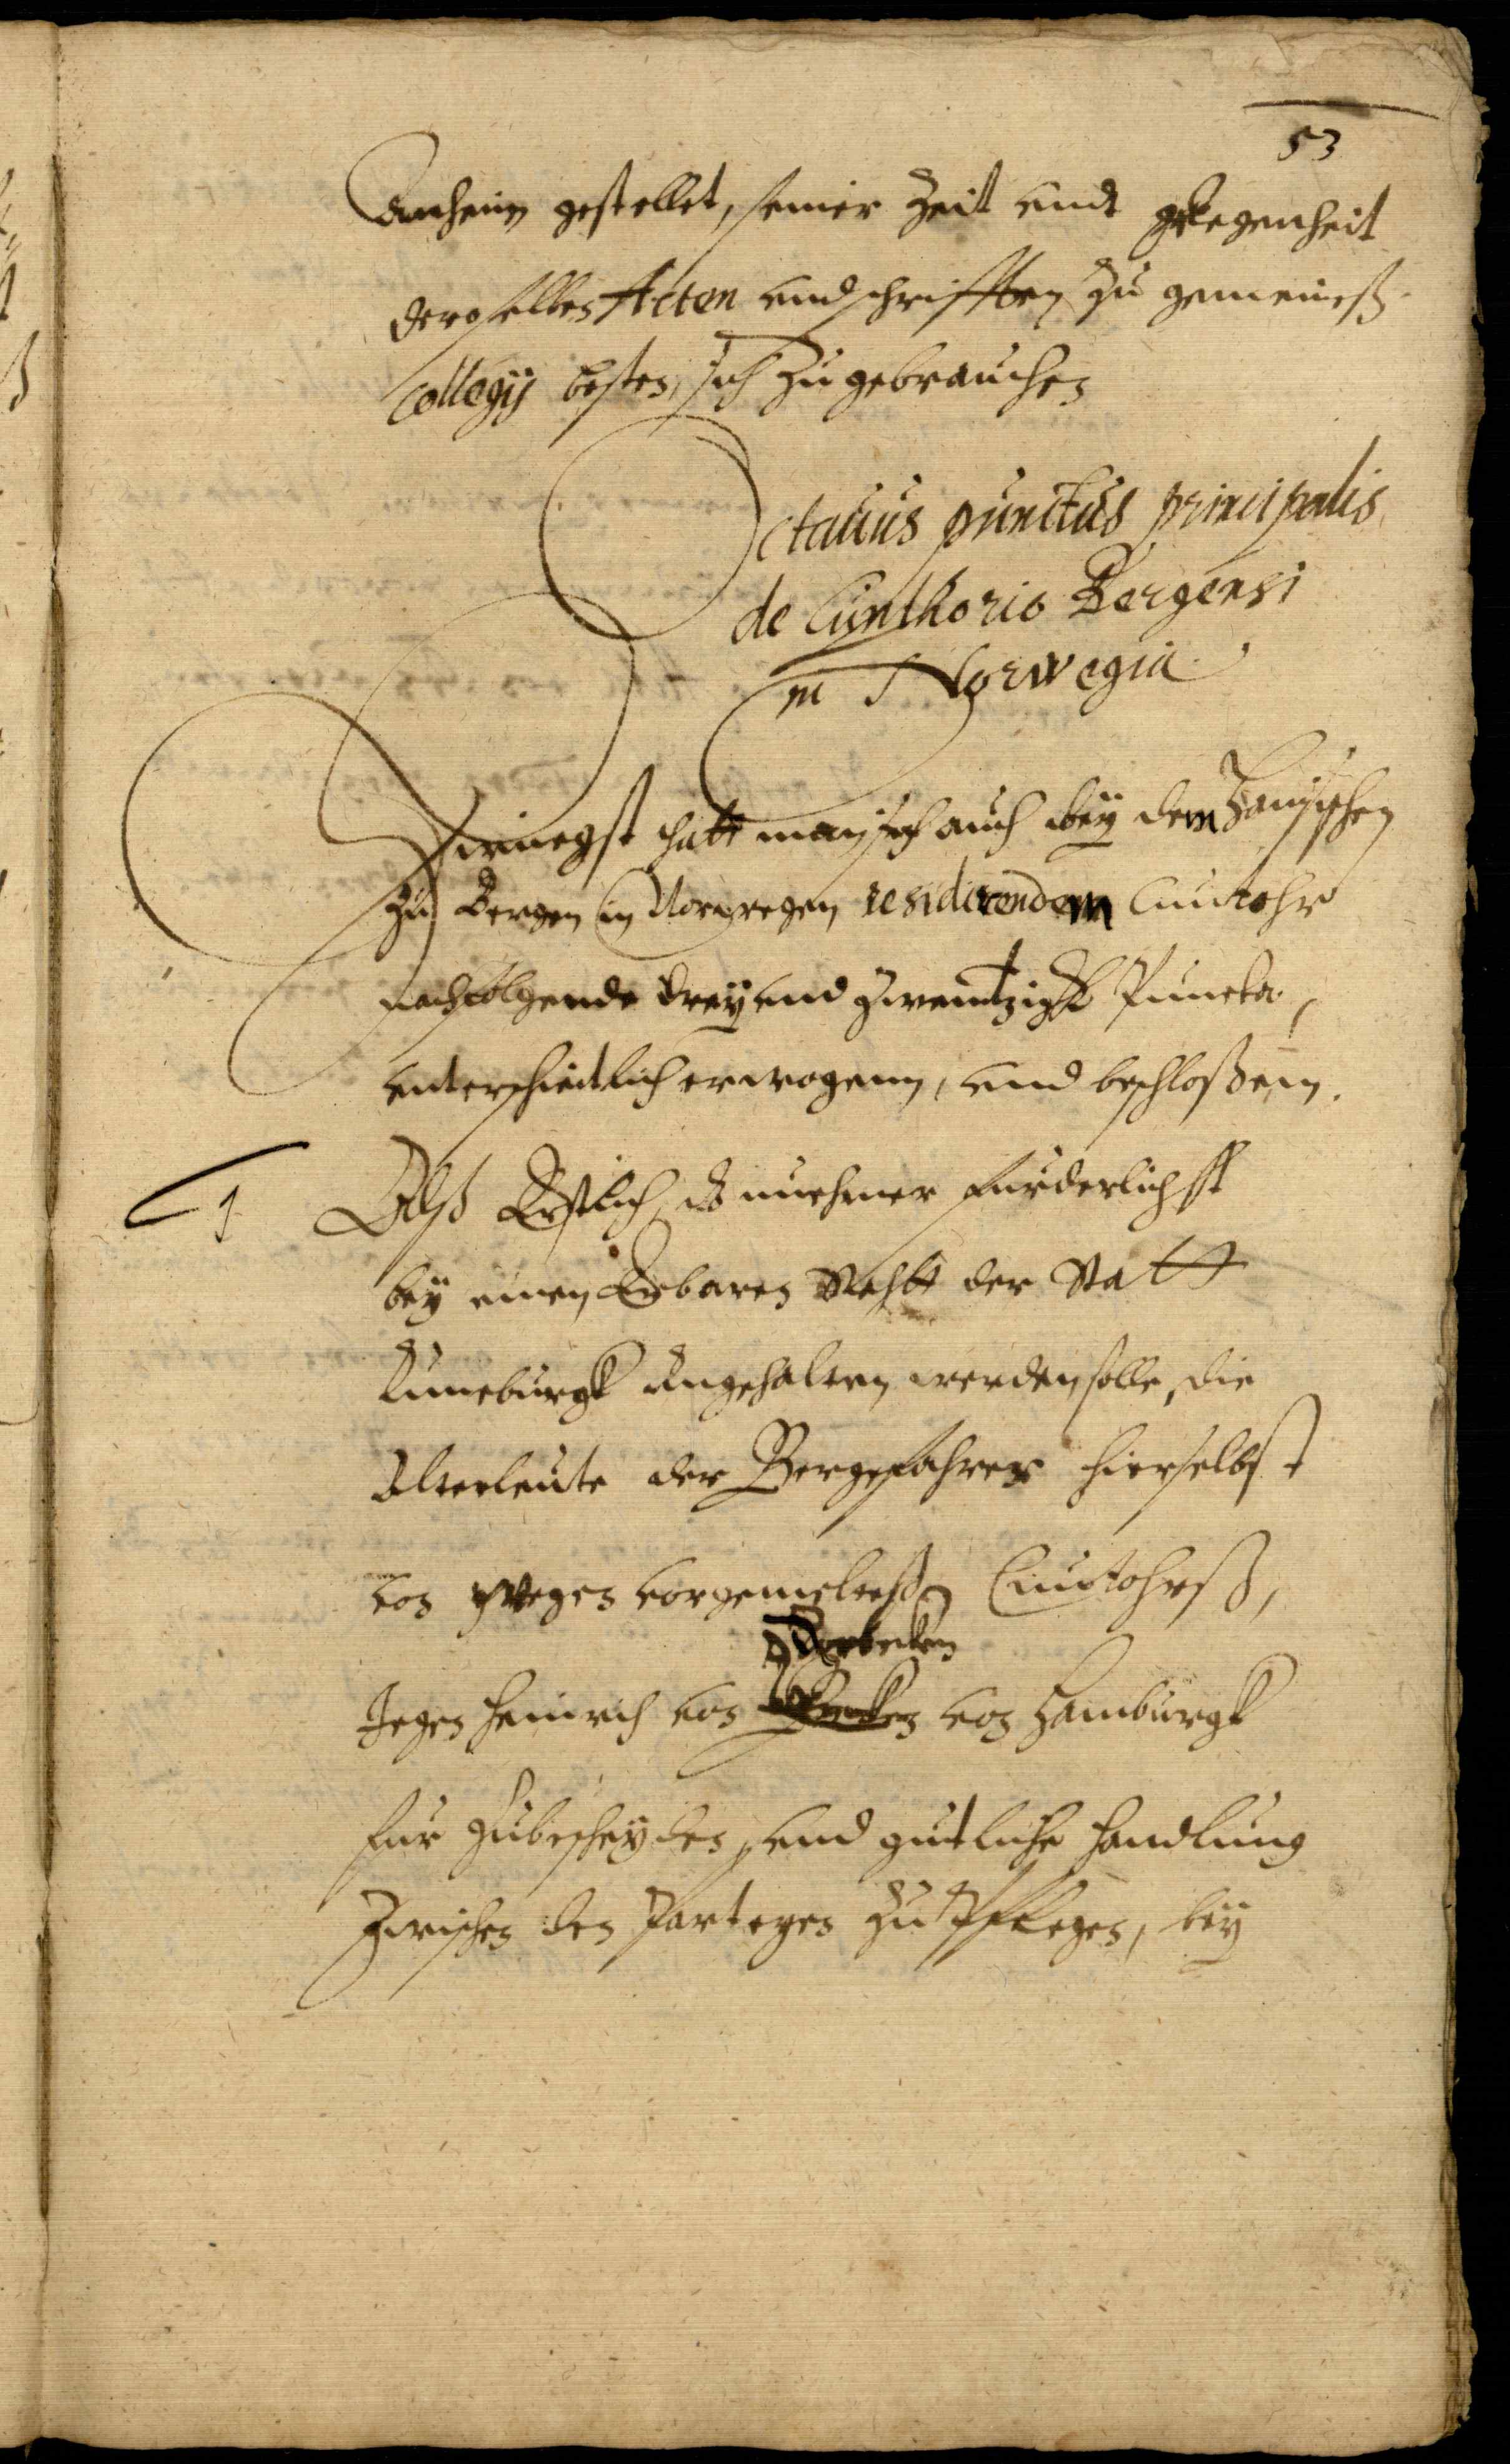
53
Anheim gestellet, seiner zeit vndt gelegenheit
deroselben Acten vnd schrifften zu gemeineß
collegij besten, sich zu gebrauchen
Octauus punctus principalis,
de Cunthoris Bergensi
in Norwegia
Hirnegst hatt man sich auch beij dem Hansischen
zu Bergen in Norwegen residirendem Cuntohr
nachfolgende dreij vnd zwantzigk Puncta,
vnterscheitlich erwogenn, vnd beschloßenn,
Alß Erstlich das nuehmer furderlichst
beij einem Erbaren Rahtt der Statt
Luneburgk Angehalten werden solle, die
Alterleute der Bergefahrer hierselbst
von wegen vorgemeltest Cuntohrß,
Jegen heinrich von Becken Borbeken von Hamburgk
fur zubescheijden, vnd gutliche handlung
zwischen den Parteyen zu pflegen,beij
1
